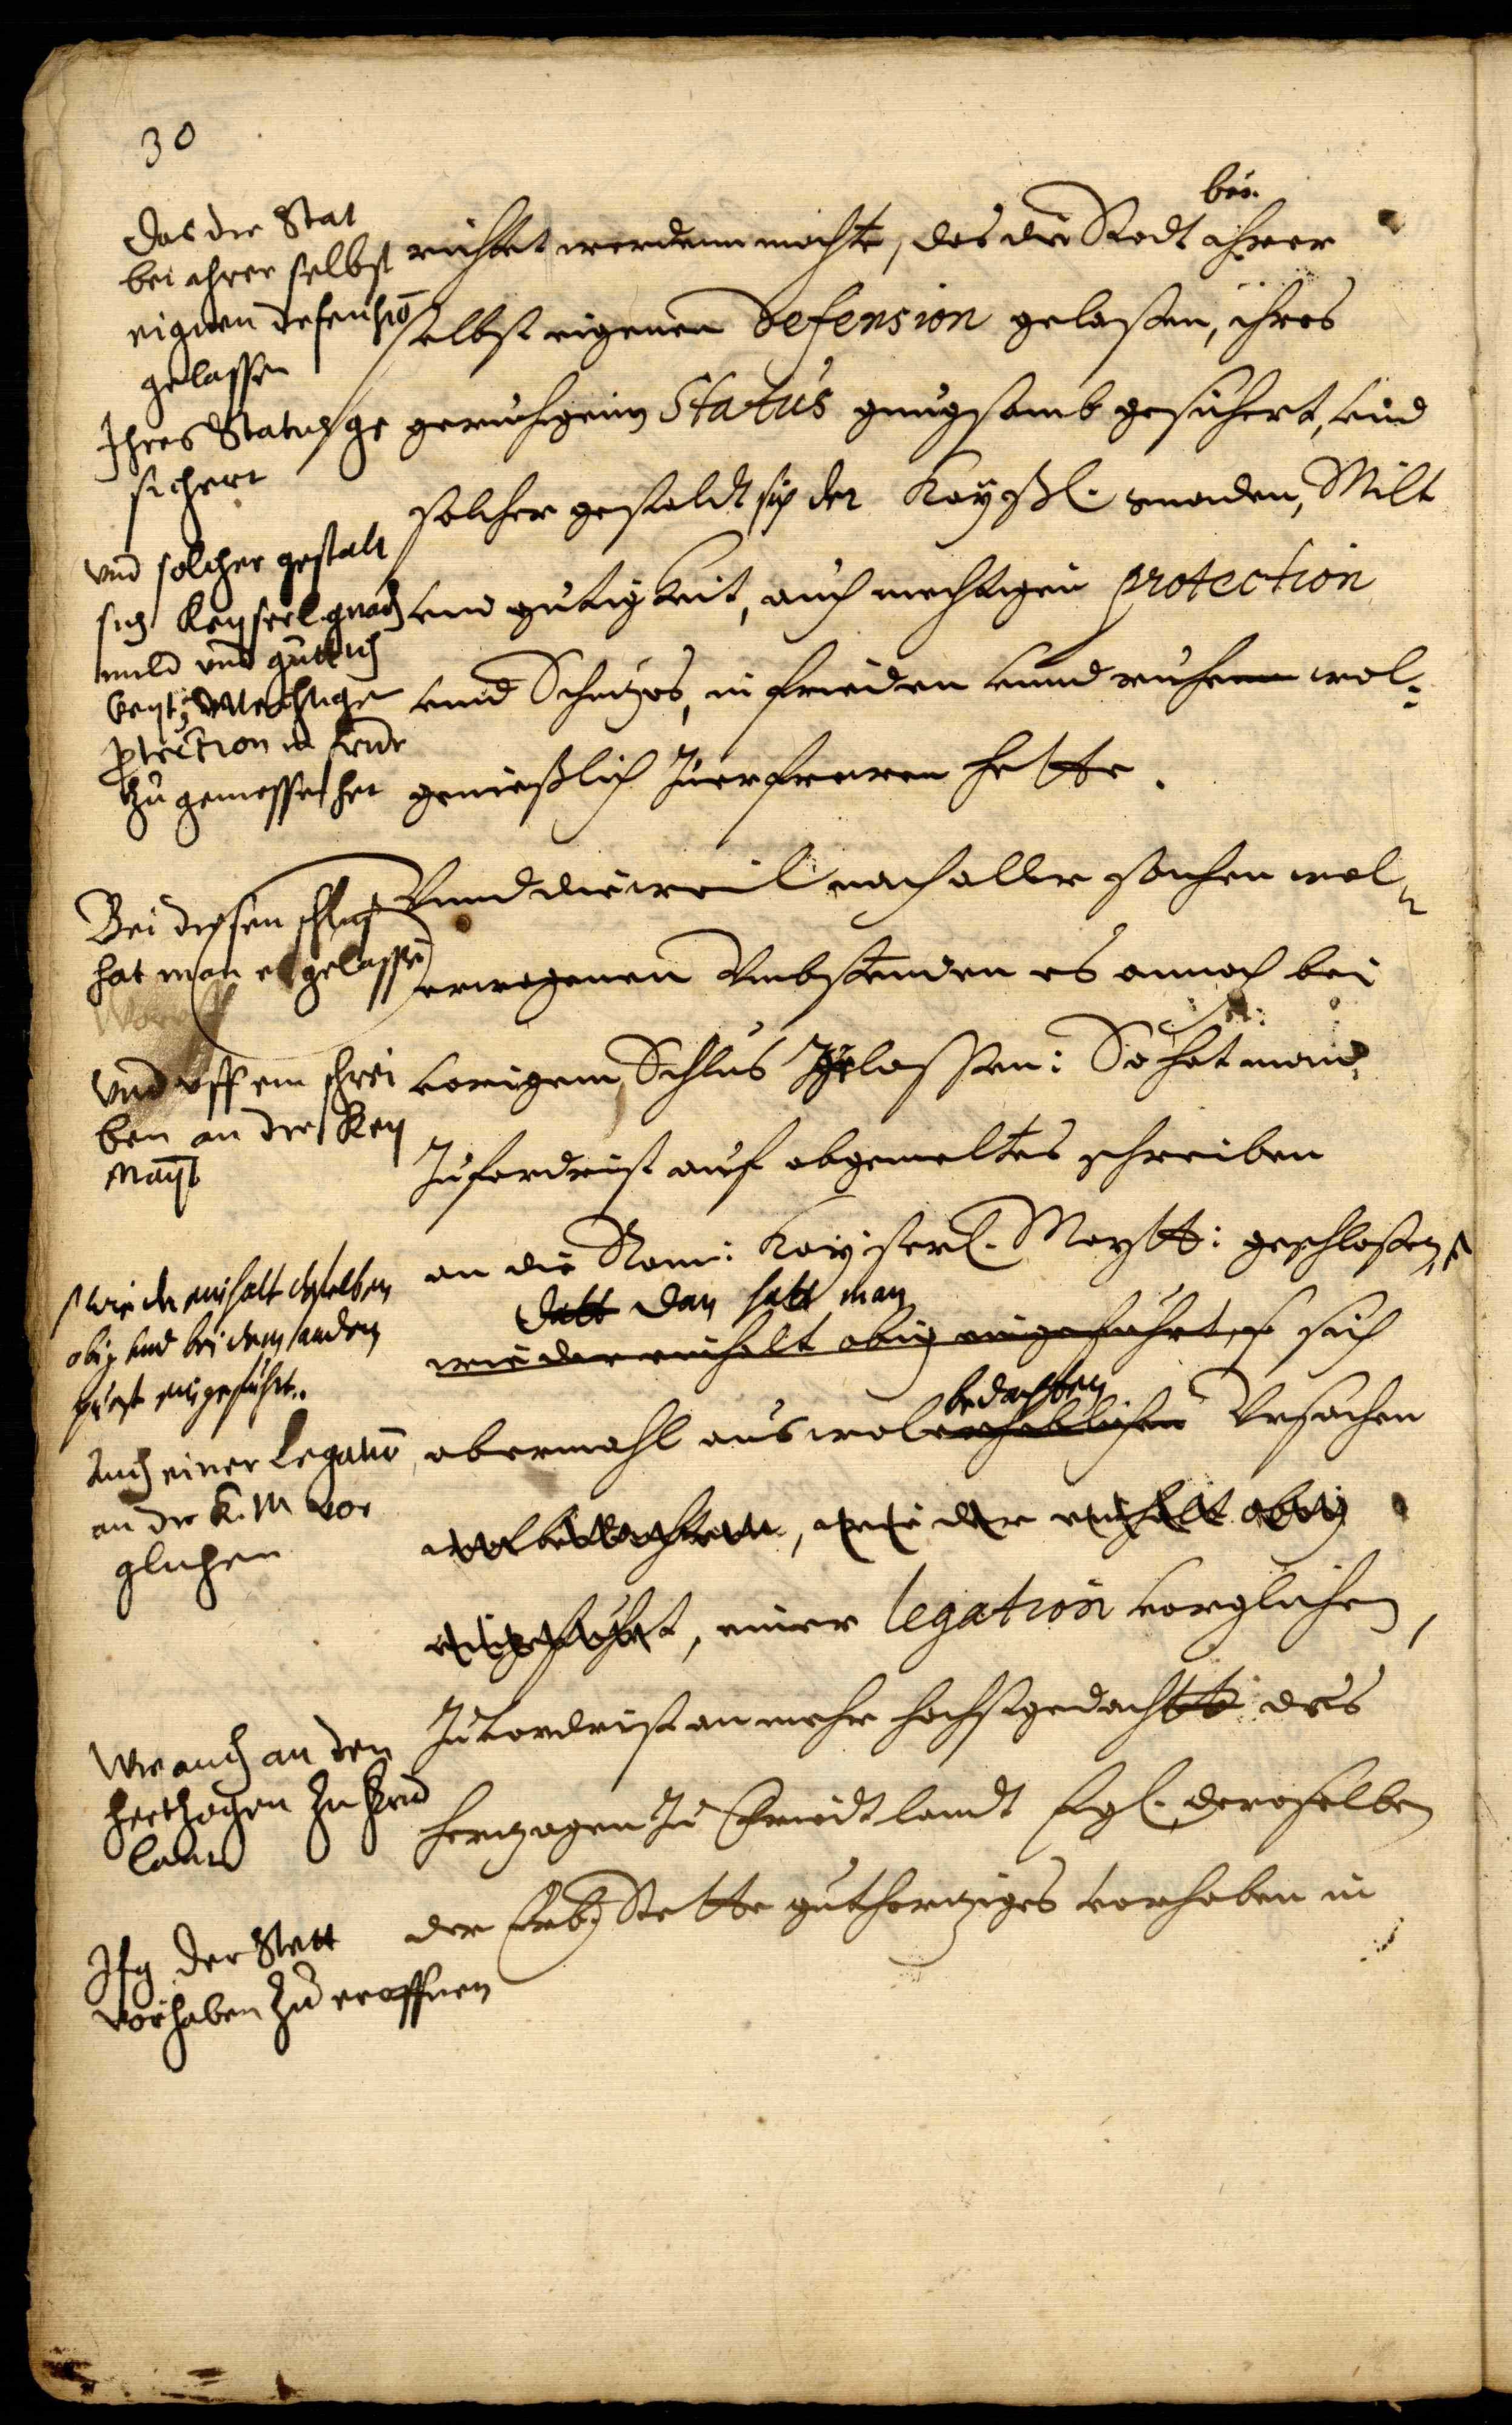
30
bei
richtet werdenn mochte, das der Radt ihrer
selbst eigenen defension gelaßen, ihres
geruchigenn Status genugsamb gesichert, vnd
solcher gestaldt sich der Kaijßl. gnaden, Milt
vnd gutigkeit, auch mechtigen protection
vnnd Schutzes, in frieden vnnd ruhenn wol¬
genießlich zuerfrewen hette.
Vnnd dieweil nach aller sonsten wol¬
erwogenen Vmbstenden es annoch bei
vorigem Schlus zugelassen: So hat mand
zufordrist auf obgemeltes schreiben
an die Rom: Kaijßerl. Maytt: geschloßen, F
dalb dan hatt man
wie dar enthalt obig angefuhrt, s sich
bedachten
abermahl aus wolerhablichen Vrsachen
volbedachten, wie der enthalt obig
gehht einer legation vorglichen,
zu vordrist an mehr hochstgedachtt des
hertzogen zu Friedtlandt Fgl. deroselben
der Erb. Stette guthertziges vorhaben in
das die Stat
bei ihrer selbst
eignen defension
gelassen
Ihres Status ge
sichert
vnd solcher gestalt
sich Keyserl.gnaden
mild vnd guttlich
keyt; Mechtigen
Protection in fride
zu geniessen sei
Bei diesen schluß
hat man es gelassen
vnd vff ein schrei
ben an der Key
Mayt
F wie der einhalt deselben
obig vnd bei dem andern
punct eingefuhrt.
Auch einer Legation
an die K.M vor
glichen
Wie auch an den
hertzogen zu Frid
lant
Ifg der Stett
vorhaben zu eroffnen
